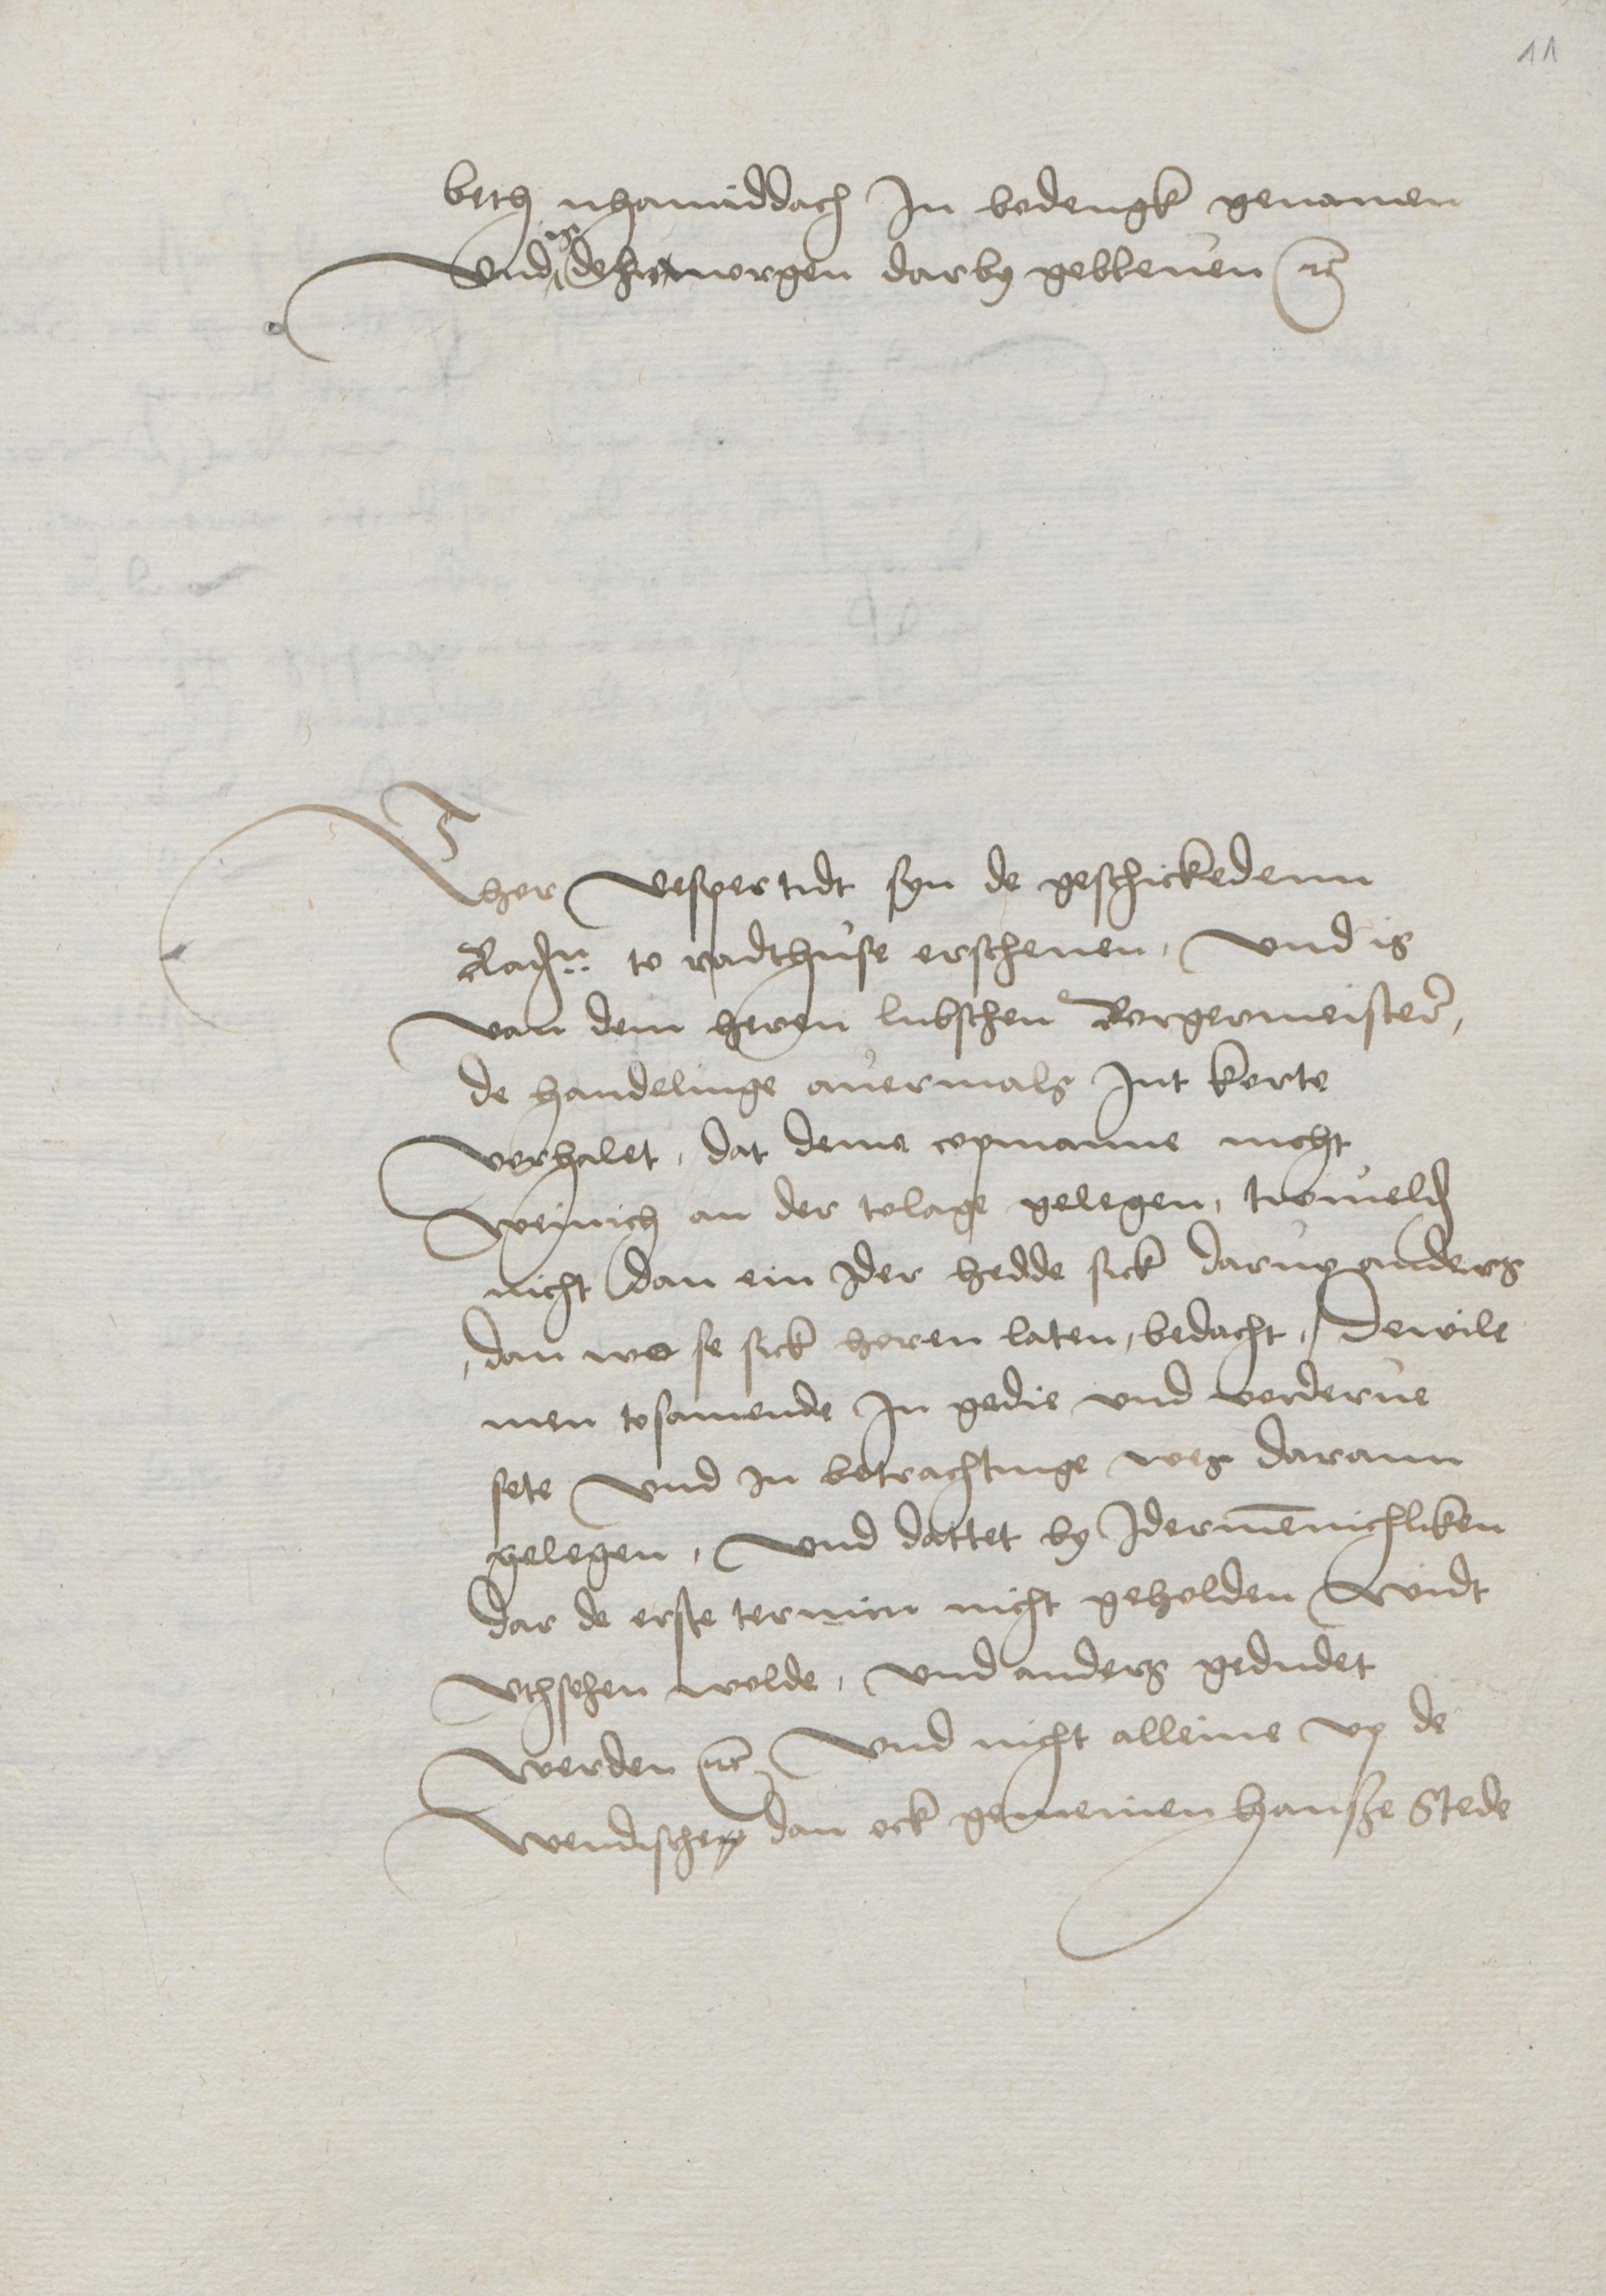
beth nhamiddach Jn bedengk genamen
vnd is dehir morgen darby gebleuen etc
Thor vespertidt syn de geschickedenn
Radessendeboden to radthuse erschenen, vnd is
van dem heren lubschen Borgermeister,
de handelinge auermals Jnt korte
vorhalet, dat deme copmanne nicht
weinich an der tolage gelegen, twiuelden
nicht dan ein Jder hedde sick darup anders
, dan wo se sick horen laten, bedacht, dewile
man tosamende Jn godie und vorderue
sete vnd Jn betrachtinge wes darann
gelegen, vnd dattet by jedermennichliken
dar de erste termin nicht geholden widt
vthsehen wolde, vnd anders gedudet
werden etc vnd nicht alleine vp de
wendischen dan ock gemeinen hanse Stede
